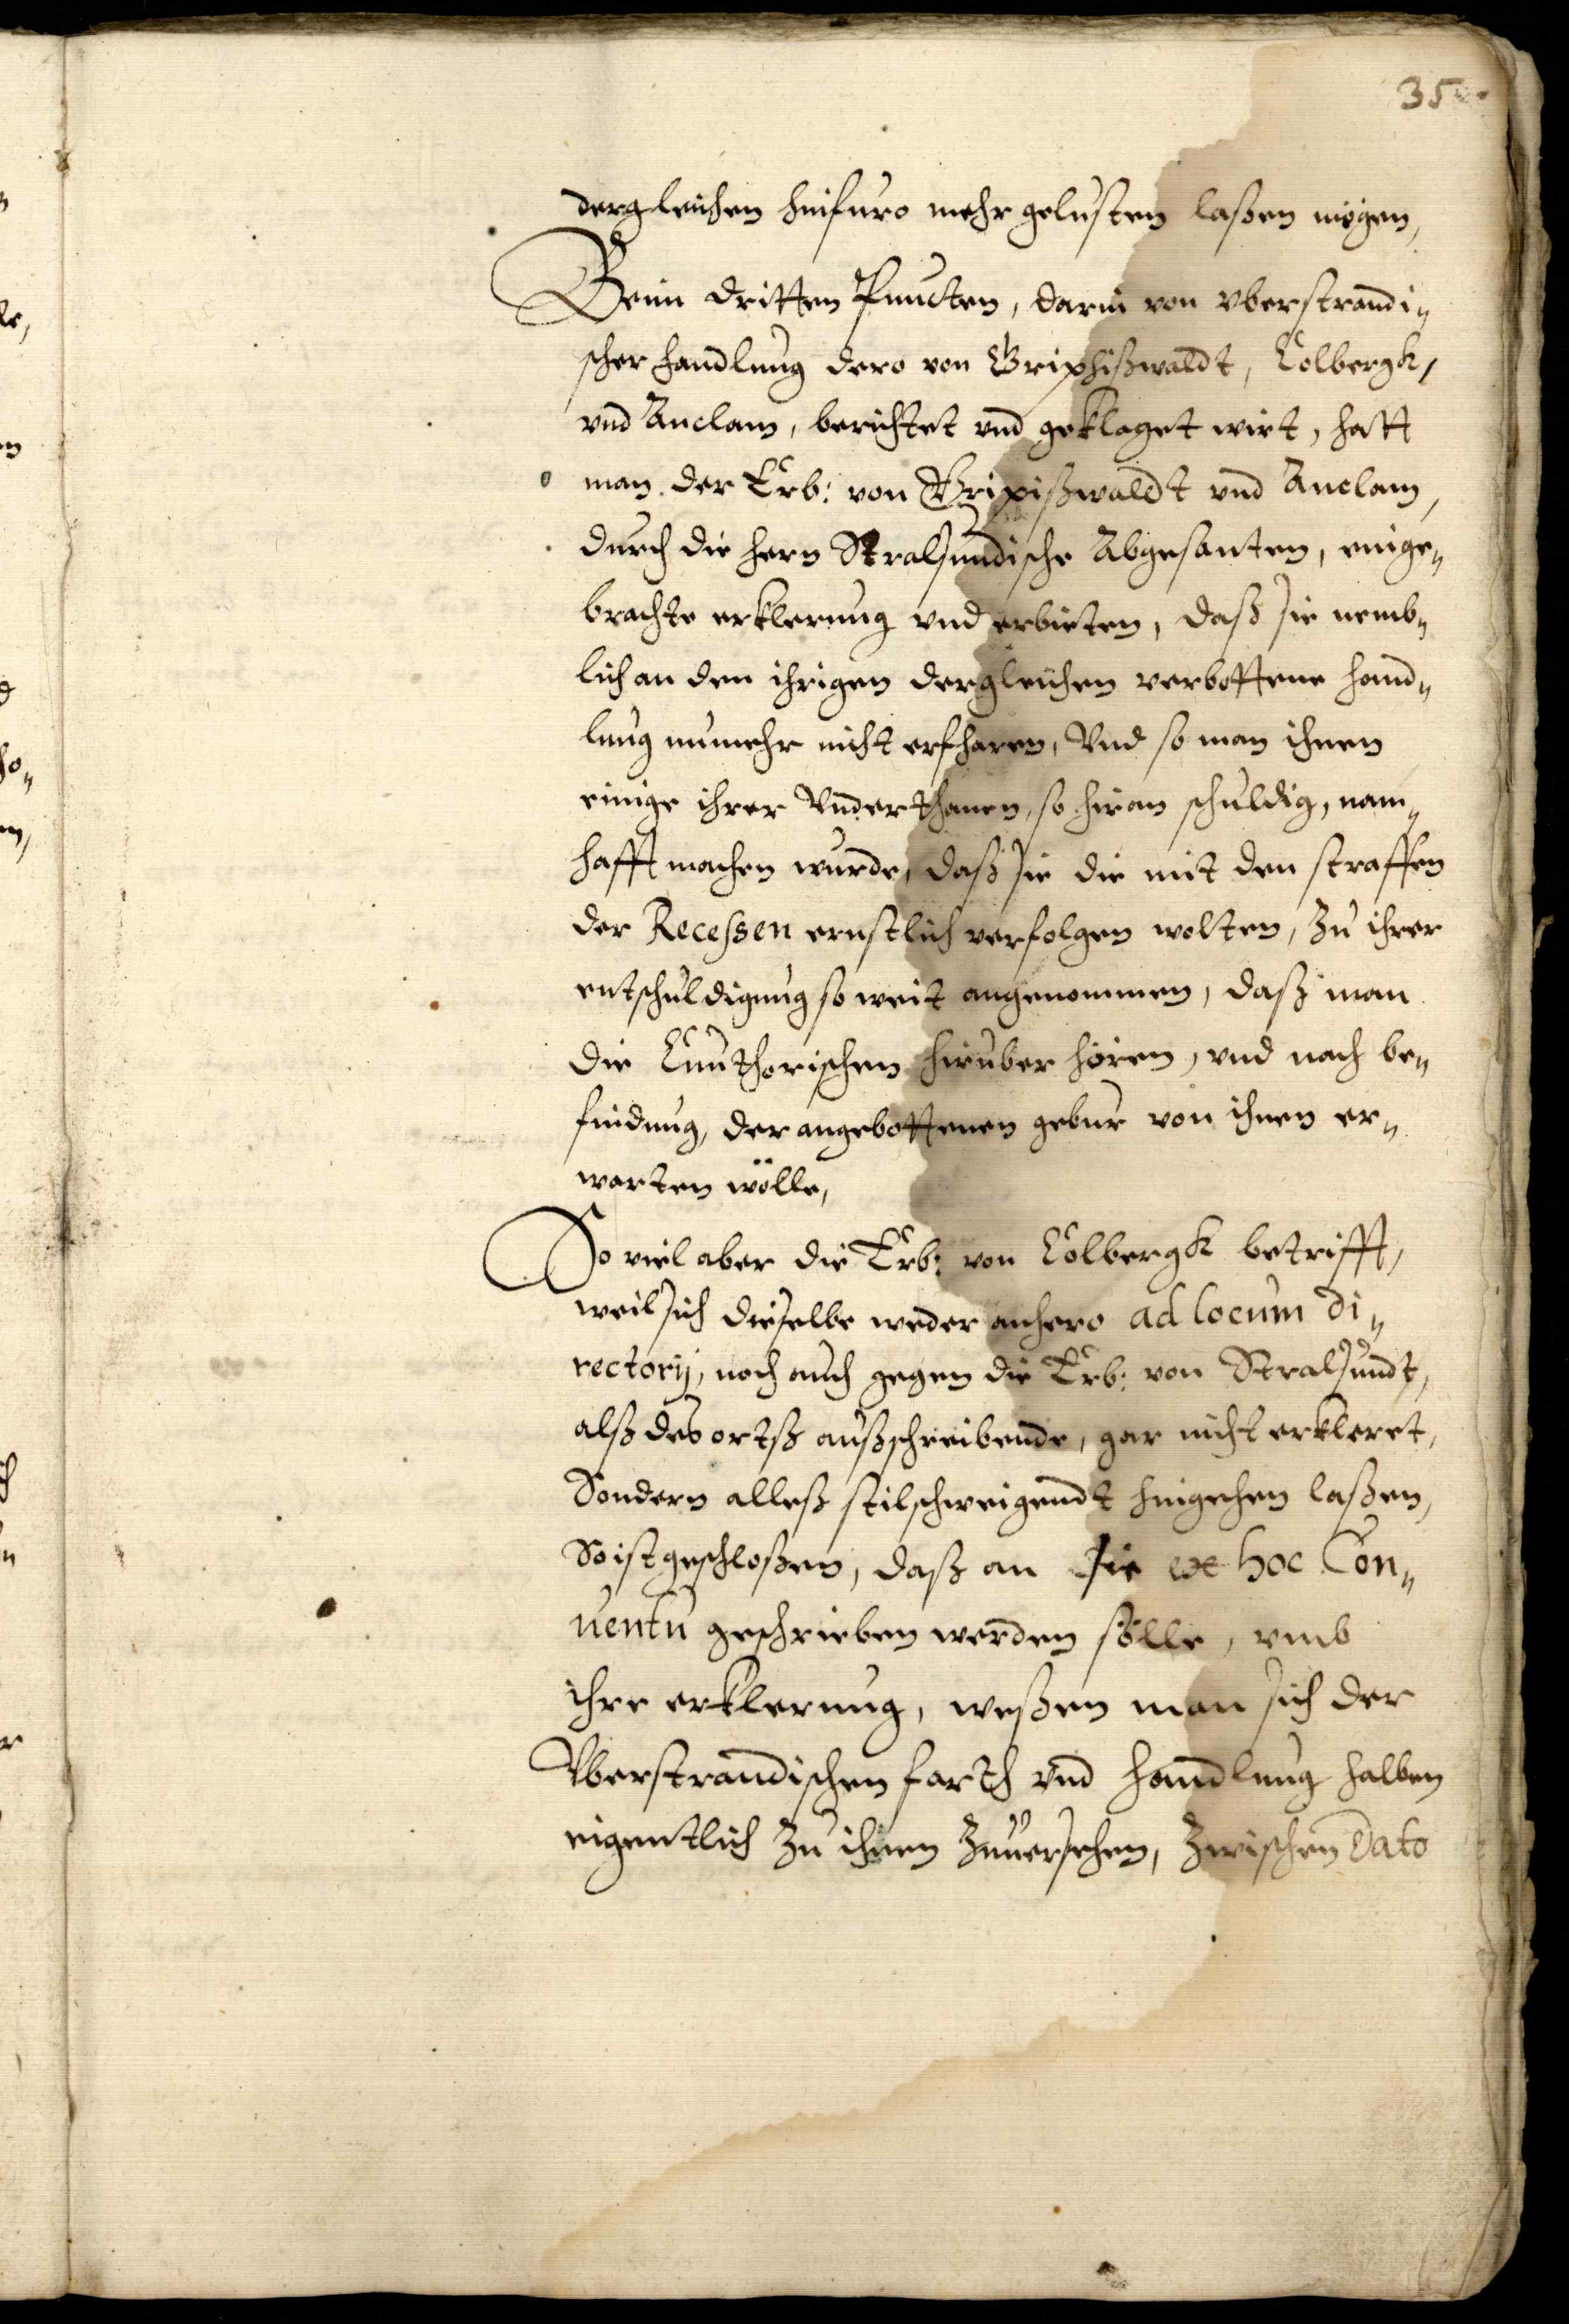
35.
dergleichen hinfuro mehr gelusten laßen mögen,
Beim dritten Punctus, darin von vberstrandi¬
scher handlung dero von Gripißwaldt, Colbergk,
vnd Anclam, betriffet vnd geklaget wirt, hatt
man der Erb: von Gripißwaldt vnd Anklam,
durch die hern Stralsundischen Abgesanten, einge¬
brachte erklerung vnd erbietung, daß sie nemb¬
lich an den ihrigen dergleichen verbottene hand¬
lunf nunmehr nicht erfharen, vnd so man ihnen
einige ihrer vnderthanen, so hiran schuldig, nam¬
hafft machen wurde, daß sie die mit dn straffen
der Recessen enstlich verfolgen wolten, zu ihrer
entschuldigung so weit angenommen, daß man
die Cunthorischen hiruber hören, vnd nach be¬
findung, der abgebottenen gebur von ihnen er¬
warten wölle,
So viel aber die Erb: von Collbergk betrifft,
weil sich dieselb weder anhero ad locum di¬
rectorij, noch auch gegen die Erb: von Stralsundt,
alß denorthß außschreibendt, gar nicht erkleret,
Sondern alleß stilschweigendt hingehen laßen,
So ist geschloßen, daß an sie ex ad hoc con¬
uentu geschrieben werden sölle, vmb
ihre erklerung, weßen man sich der
Vberstrandischen farth vnd handlung halben
eigentlich zu ihnen zuuersehen, zwischen dato
